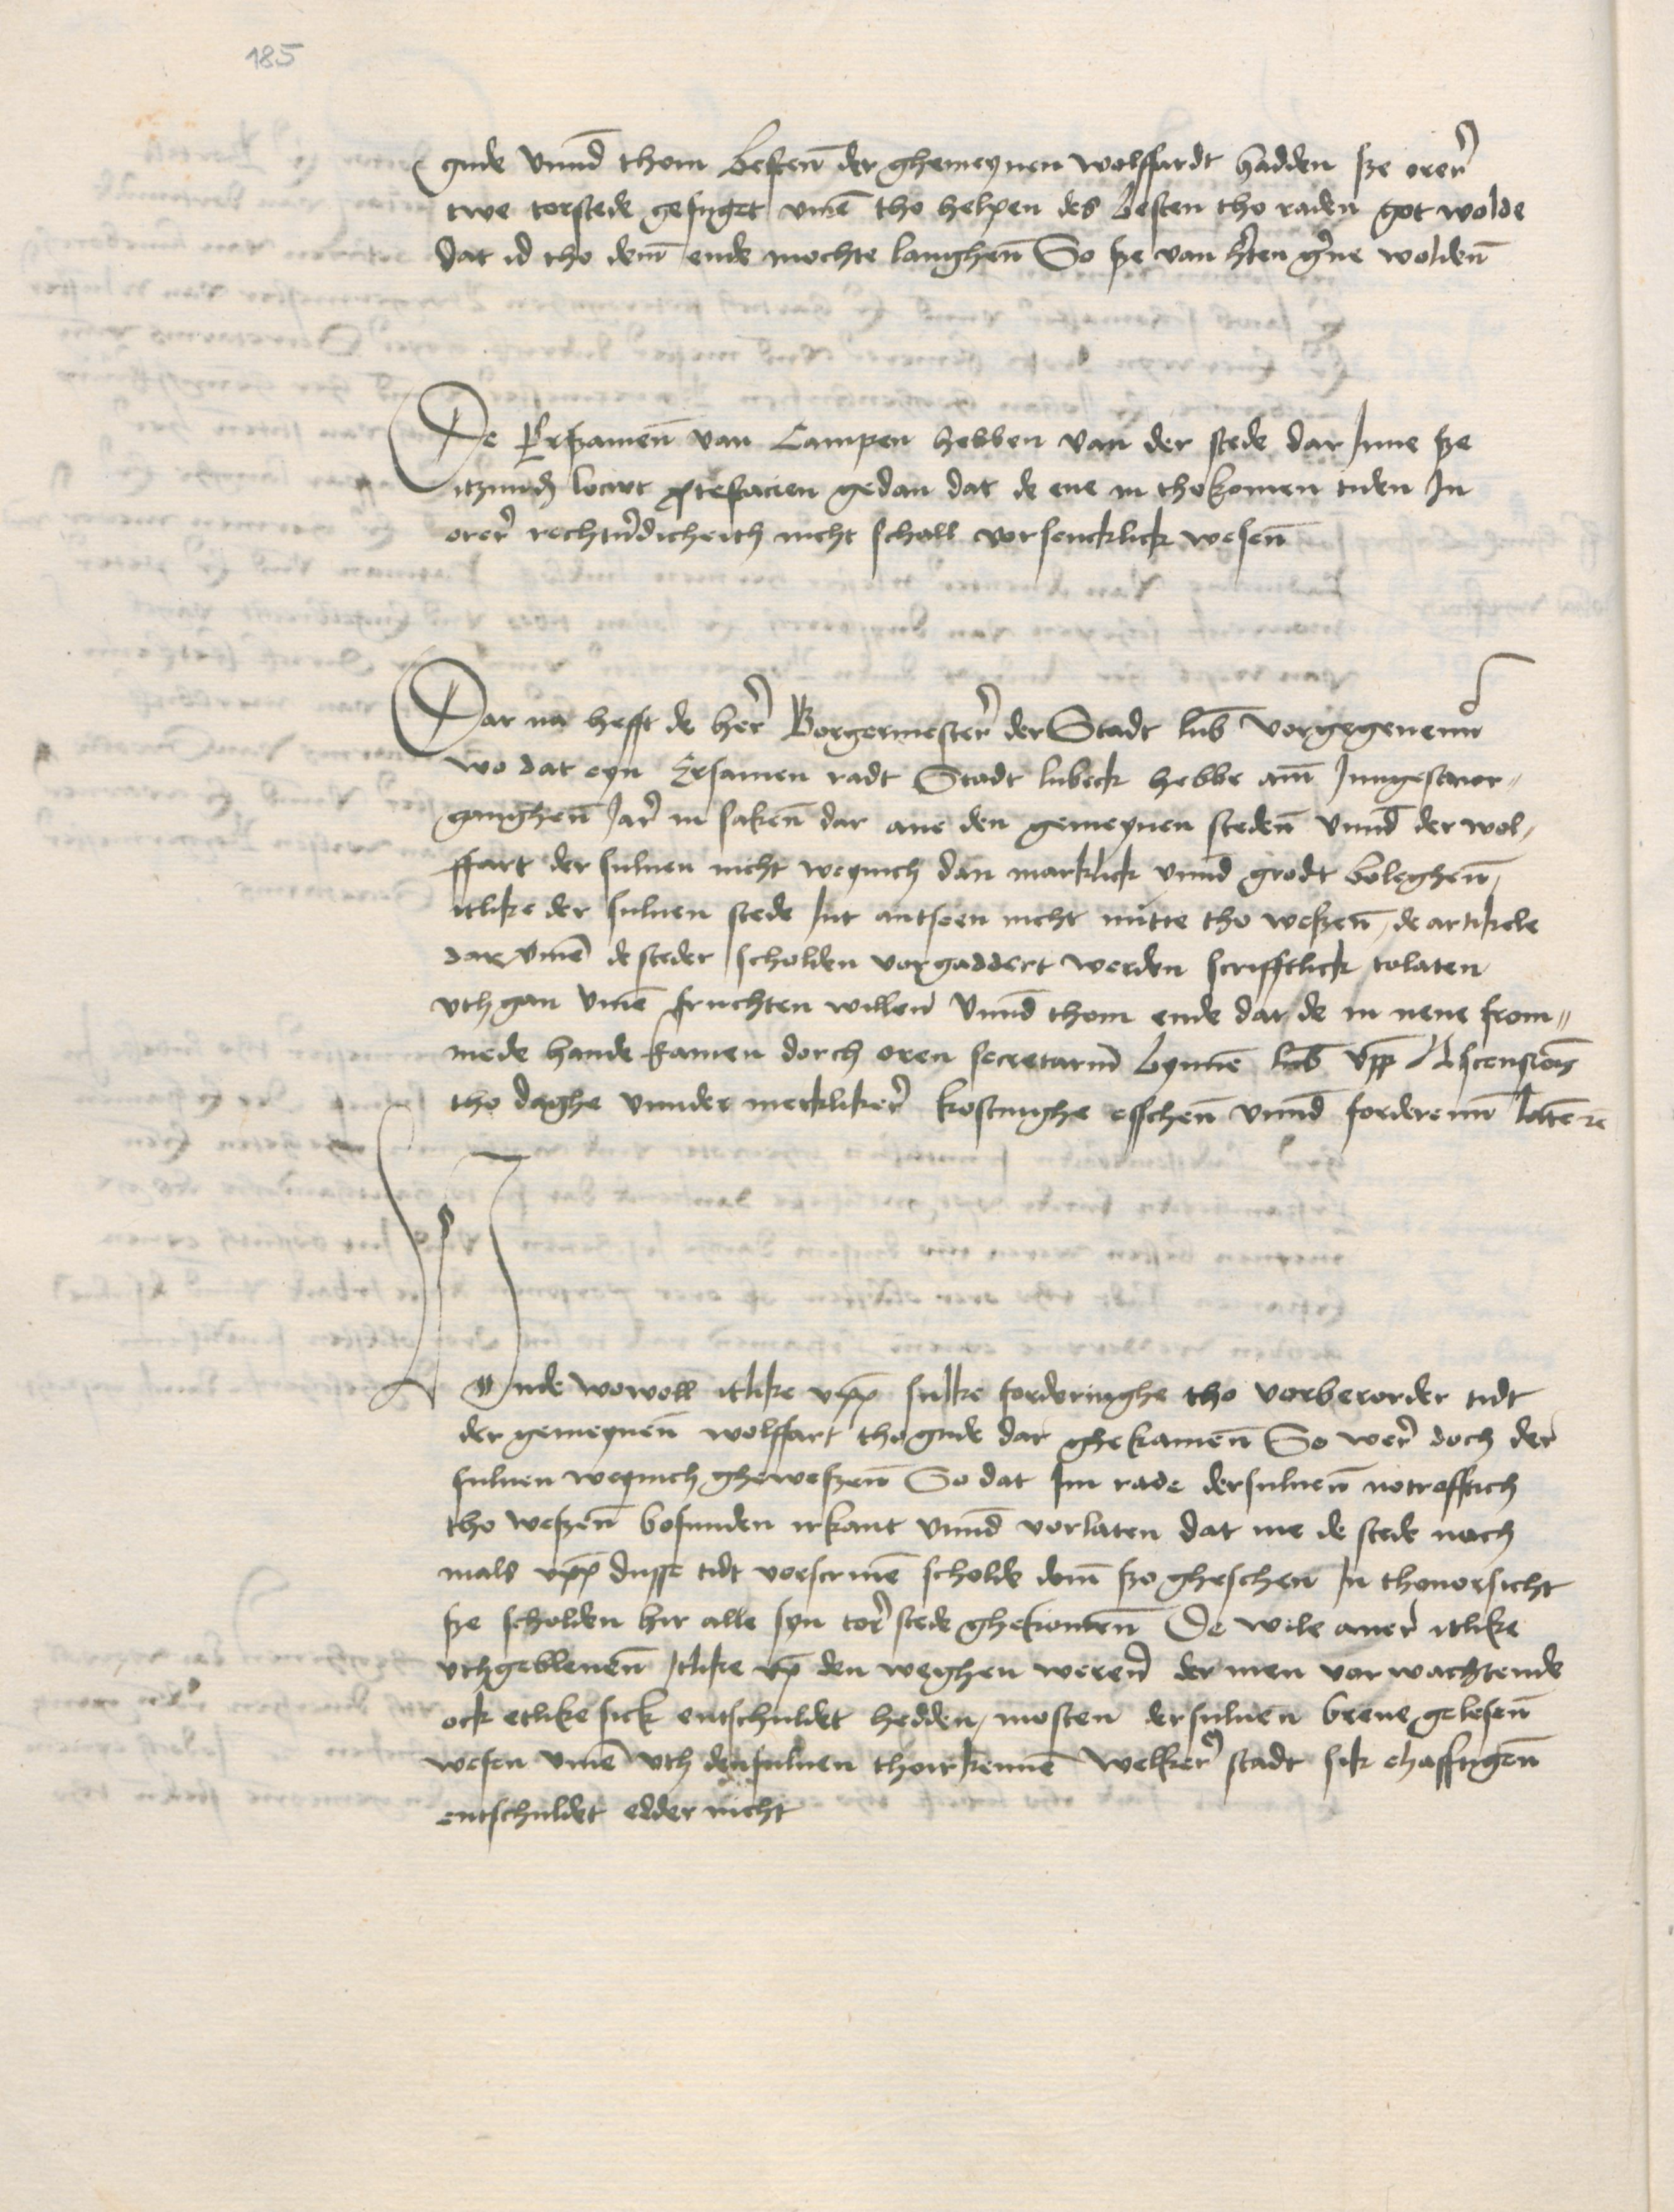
185
gude vnnde thom bestenn der ghemeynen wolffardt hadden se orere
twe torstede gefuget vmme tho helpen des besten tho raden got wolde
dat id tho deme ende mochte langenn So se van herten gerne woldenn.
De Ersamenn van Campen hebben van der stede dar Jnne se
itzundes locirt protestacien gedan dat de ene in thokomen tiden Jn
orer rechtuerdicheit nicht schall vorfencklick wesenn.
Dar na hefft de here Borgermestere der Stad Lubeke vorgegeuenn
wo dat eyn Ersamen radt Stadt Lubeck hebbe ame Jungestvor¬
ganghenn Jare in sakenn dar ane den gemeynen stedenn vnnde der wol¬
ffart der suluen nicht weynich dan marklick vnnde grodt boleghenn,
itlike der suluen stede Jnt antseen nicht nutte tho wesenn, de artikele
dar vmme de steder scholden vorgaddert werden scrifftlick tolaten
vth gan vmme fruchten willen vnnde thom ende dar de in nene from¬
mede hande kamen dorch oren secretarius bynnen Lubeck vppe Ascensionis
tho daghe vnnder merklikere kostinghe esschenn vnnde forderenn laten etc.
Unde wowoll itlike vppe sulke forderinghe tho vorberorder tidt
der gemeynenn wolffart tho gude dar gekamenn So were doch der¬
suluen weynich ghewesenn So dat Jm rade dersuluenn nottrafftich
tho wesenn bosunden irkant vnnde vorlaten dat me de stede noch¬
mals vppe dusse tidt vorscriuen scholde deme so geschen Jn touorsicht
se scholden hir alle syn tore stede ghekomenn De wile auere itlike
vthgebleuenn Jtlike vpp den weghen werene der men vor wachtende
ock etlike sich entschuldet hedden, mosten dersuluen breue gelesenn
wesen vmme vth densuluen thoirkennen welkere stadt sik ehafftigenn
entschuldet edder nicht.
